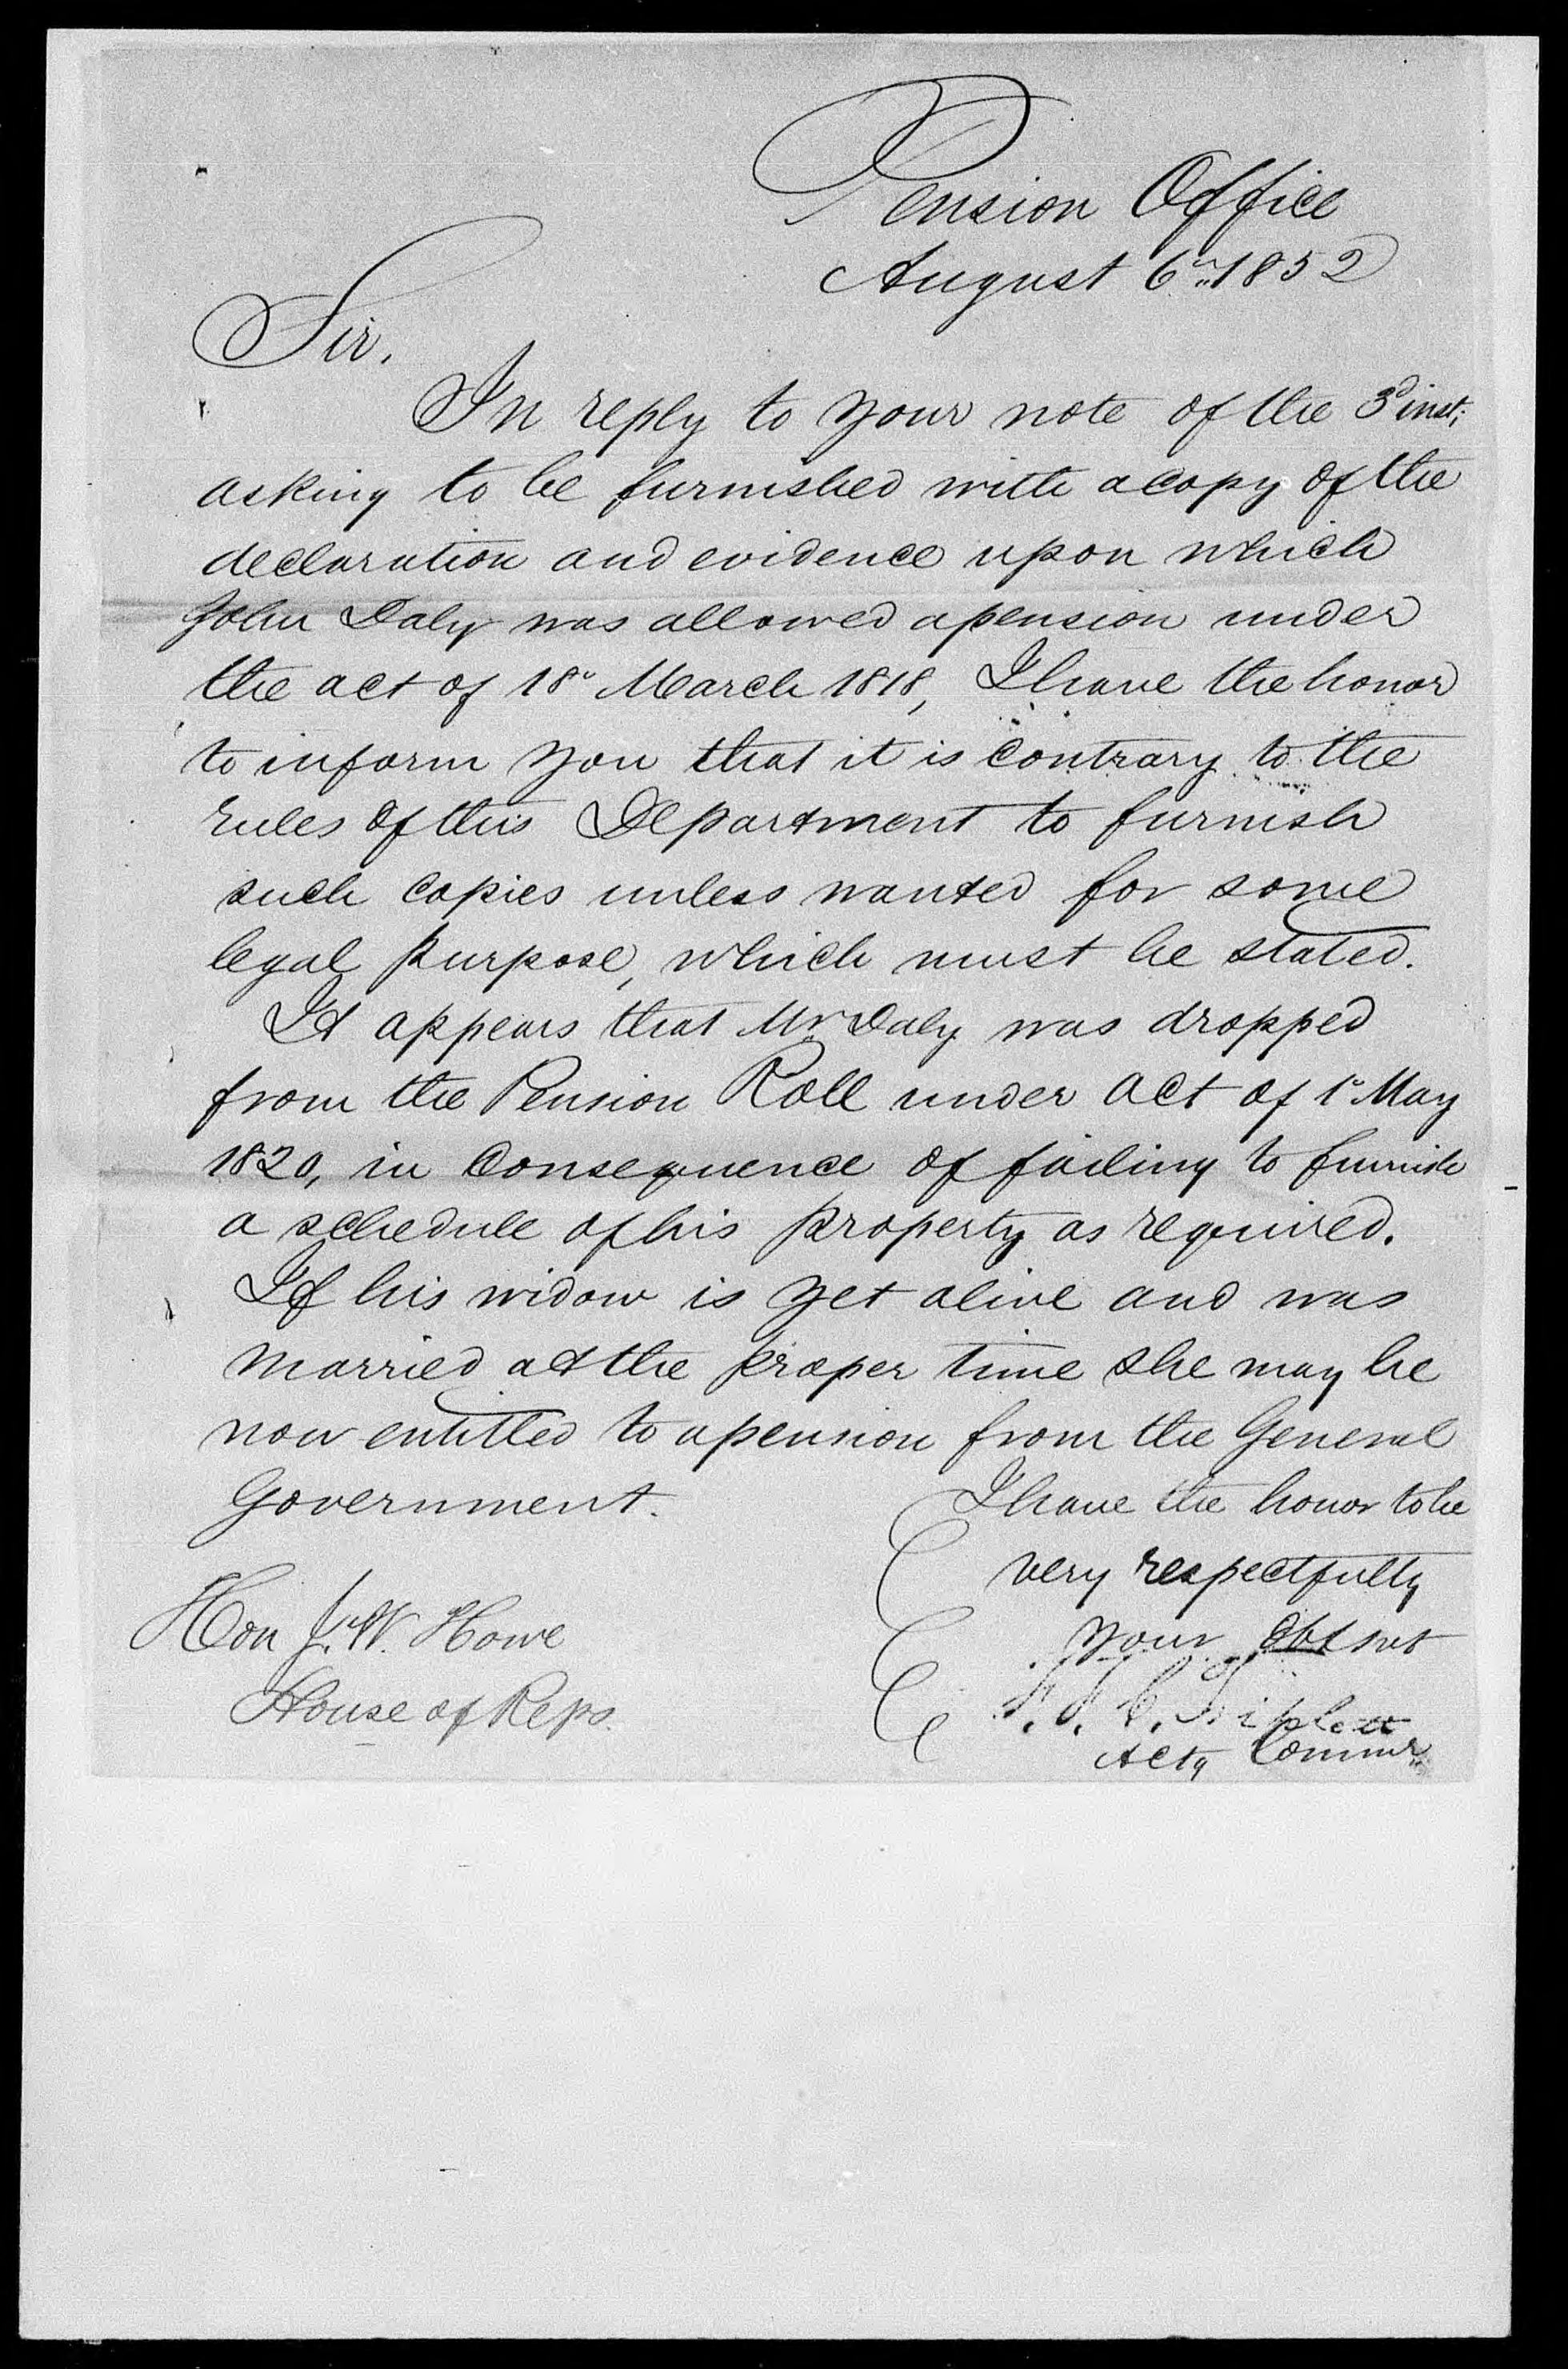Pension Office
August 6 1852
Sir,
In reply to your note of the the 3d inst; asking to be furnished with a copy of the declaration and evidence upon which John Daly was allowed a pension under the act of 18 March 1818, I have the honor to inform you that it is contrary to the rules of this Department to furnish such copies unless wanted for some legal purpose, which must be stated.
It appears that Mr Daly was dropped from the Pension Roll under Act of 1 May 1820, in consequence of failing to furnish a schedule of his property as required. If his widow is yet alive and was married at the proper time she may be now entitled to a pension from the General Government.
I have the honor to be very respectfully your obl svt
F.F.C. Triplett
Actg Commr

Hon J.W. Howe
House of Reps.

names: John Daly, F F C Triplett, J W Howe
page: 42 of 63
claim: widow's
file: W. 3228, John Daly, Penn.